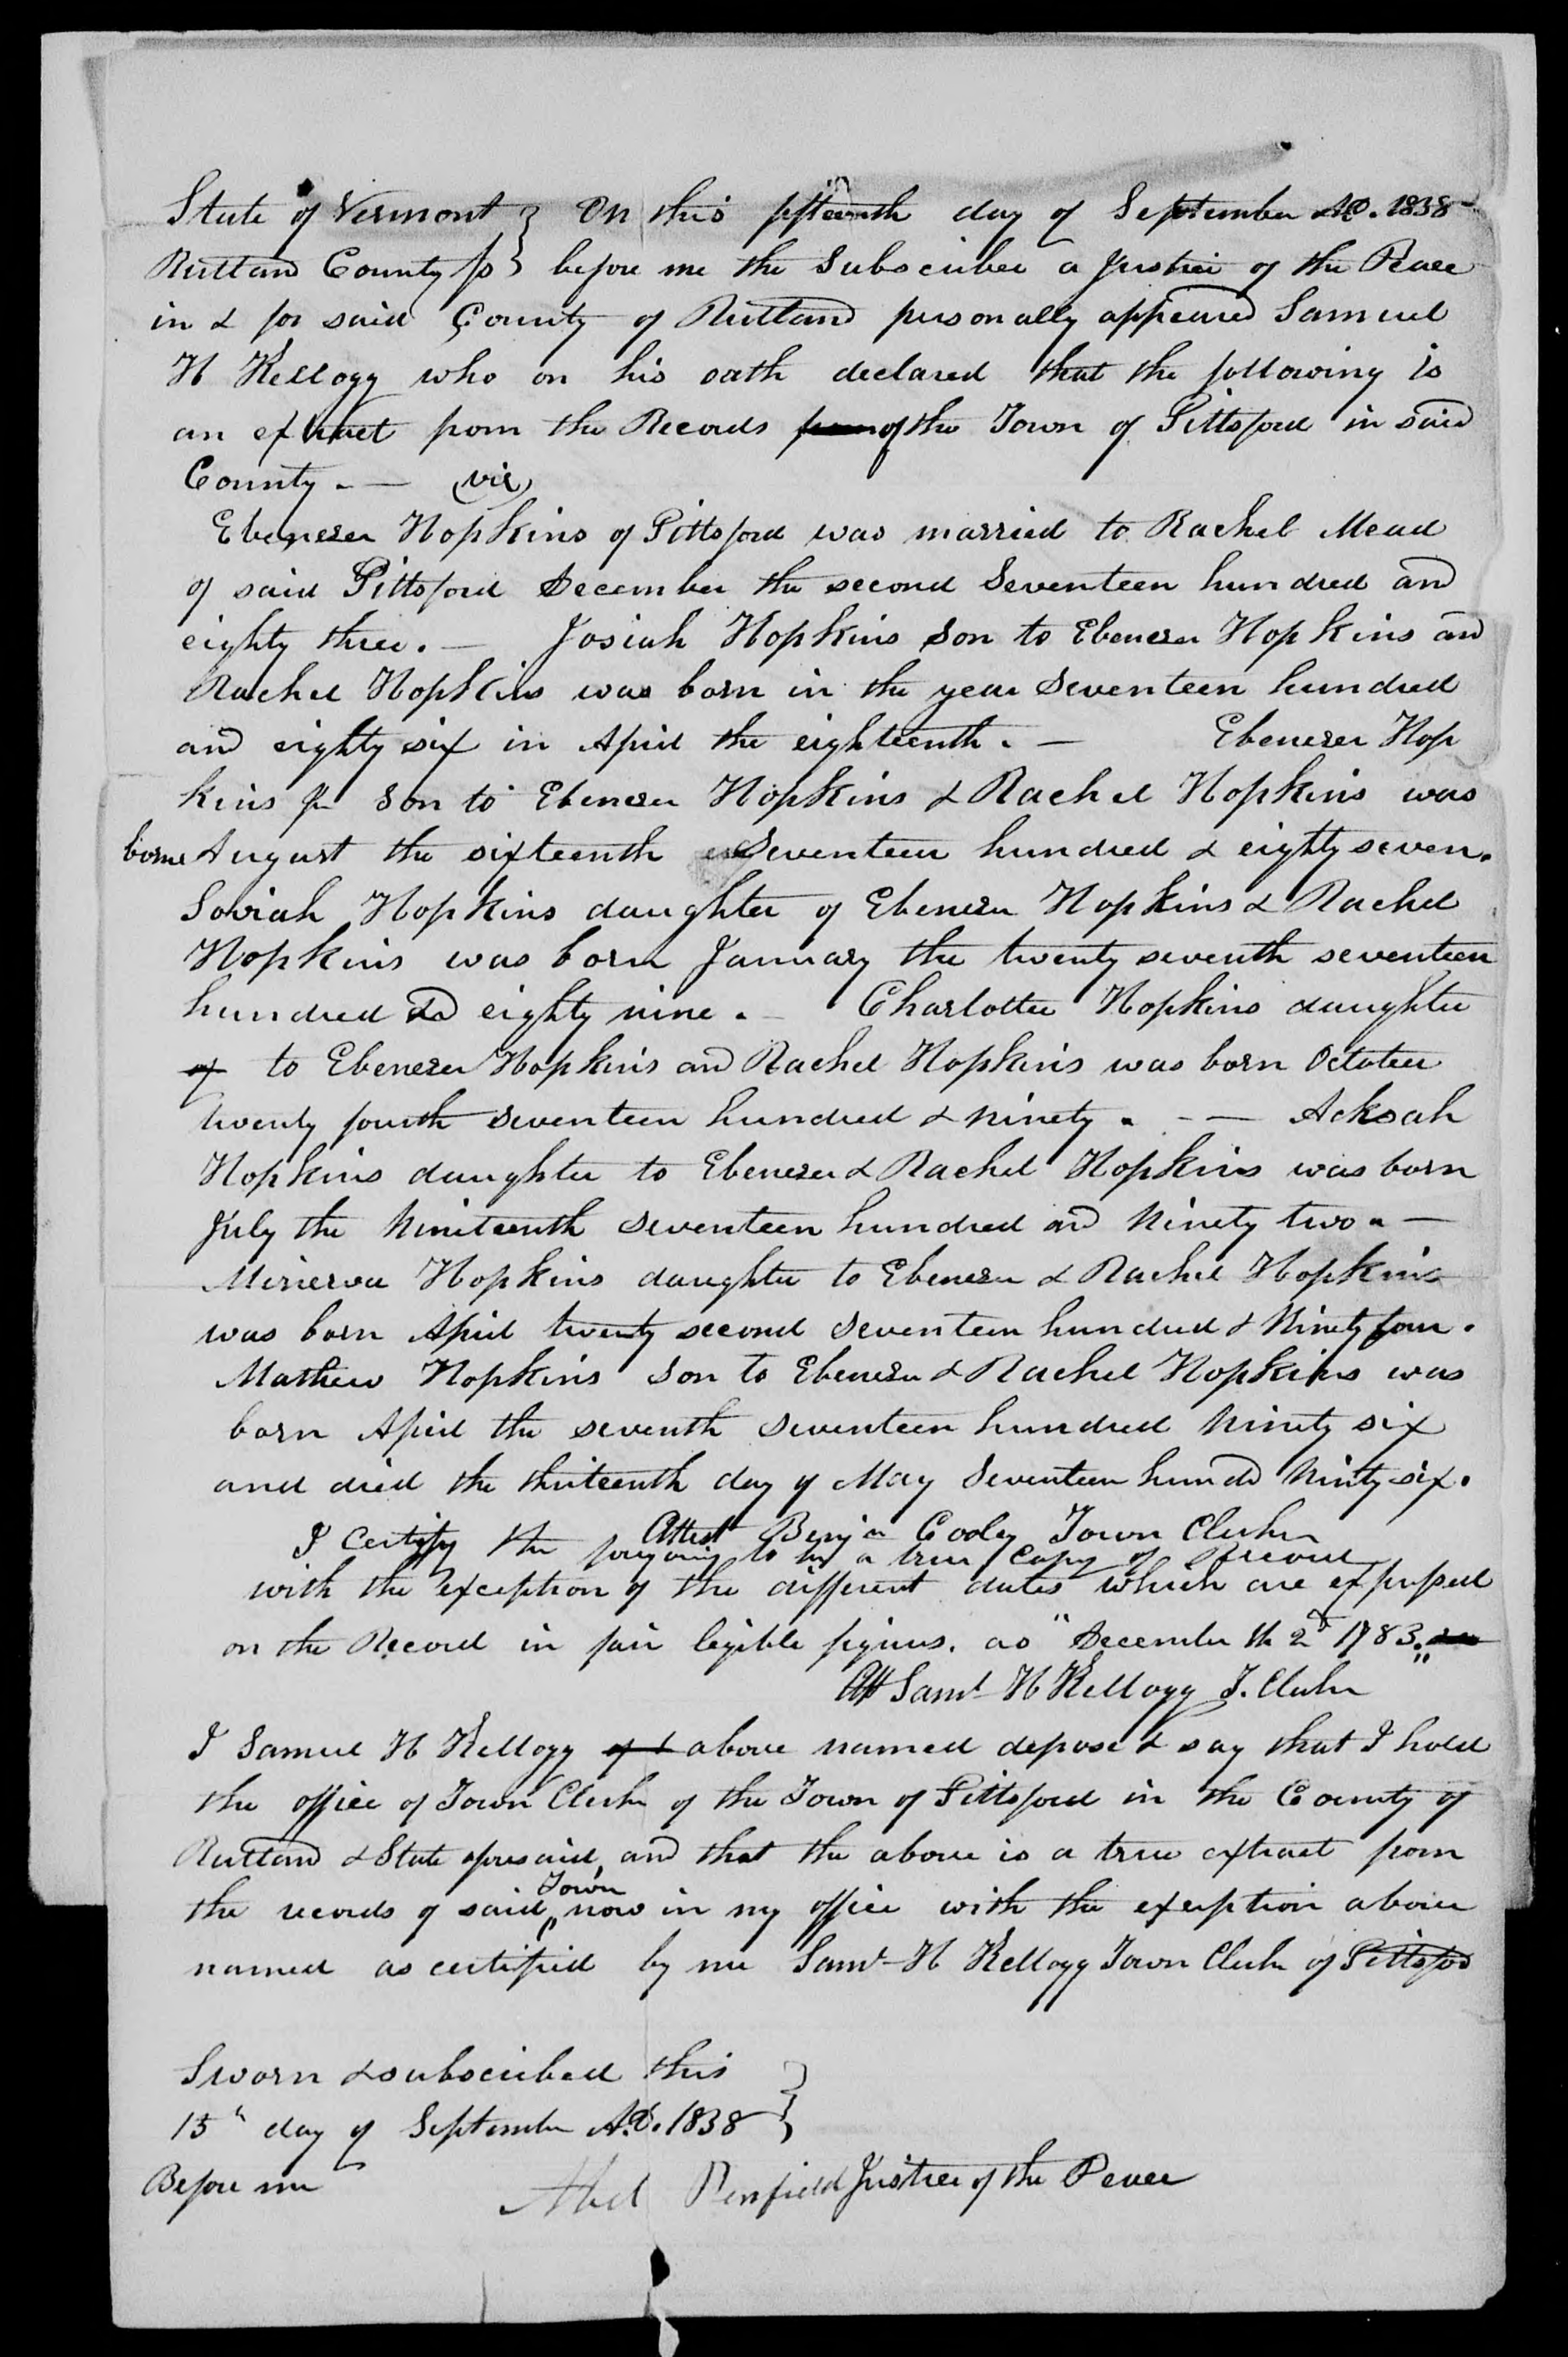State of Vermont 
Rutland County ⎬ On this fifteenth day of September AD 1838 before me the Subscriber a Justice of the Peace in & for said County of Rutland personally  appeared Samuel H Kellogg who on his oath declared that the following is an extract from the Records of the Town of Pittsford in said County__ viz

Ebenezer Hopkins of Pittsford was married to Rachel Mead of said Pittsford December the second Seventeen hundred and eighty three.- Josiah Hopkins Son to Ebenezer Hopkins and Rachel Hopkins was born in the year Seventeen hundred and eighty six in April the eighteenth- Ebenezer Hopkins son to Ebenenzer Hopkins & Rachel Hopkins was August the sixteenth seventeen hundred & eighty seven Soriah Hopkins daughter of Ebenezer Hopkins & Rachel Hopkins was born January the twenty seventh seventeen hundred & eighty nine. Charlotte Hopkins daughter to Ebenezer Hopkins and Rachel Hopkins was born October twenty fourth seventeen hundred & ninety Acksah Hopkins daughter to Ebenezer & Rachel Hopkins was born July the nineteenth seventeen hundred and ninety two Minerva Hopkins daughter to Ebenezer & Rachel Hopkins was born April twenty second seventeen hundred & Ninety four Mathew Hopkins Son to Ebenezer & Rachel Hopkins was born April the seventh seventeen hundred ninety six and died the thirteenth day of May Seventeen hundred ninety six. 
Attest Benjn Cooley Town Clerk 
I certify the foregoing to be a true copy of [illegible] with the exception of the different dates which are expressed on the Record in fair legible figures as "December th 2d 1783"
Att Saml H Kellogg J. Clerk

I Samuel H Kellogg of above named depose & say that I hold the office of Town Clerk of the Town of Pittsford in the County of Rutland & State aforesaid, and that the above is a true extract from the records of said town now in my office with the exception above named as certified by me Saml H Kellogg Town Clerk of Pittsford
Sworn & subscribed this
15th day of September A.D. 1838}
Before me
Abel Penfield Justice of the Peace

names: Abel Penfield, Benjn Cody, Minerva Hopkins, Acksah Hopkins, Mathew Hopkins, Ebenezer Hopkins, Josiah Hopkins, Samuel H Kellogg, Charlottee Hopkins, Rachel Mead, Rachel Hopkins, Sarah Hopkins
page: 73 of 144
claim: rejected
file: R. 5208, Dennis Hopkins, N.C.